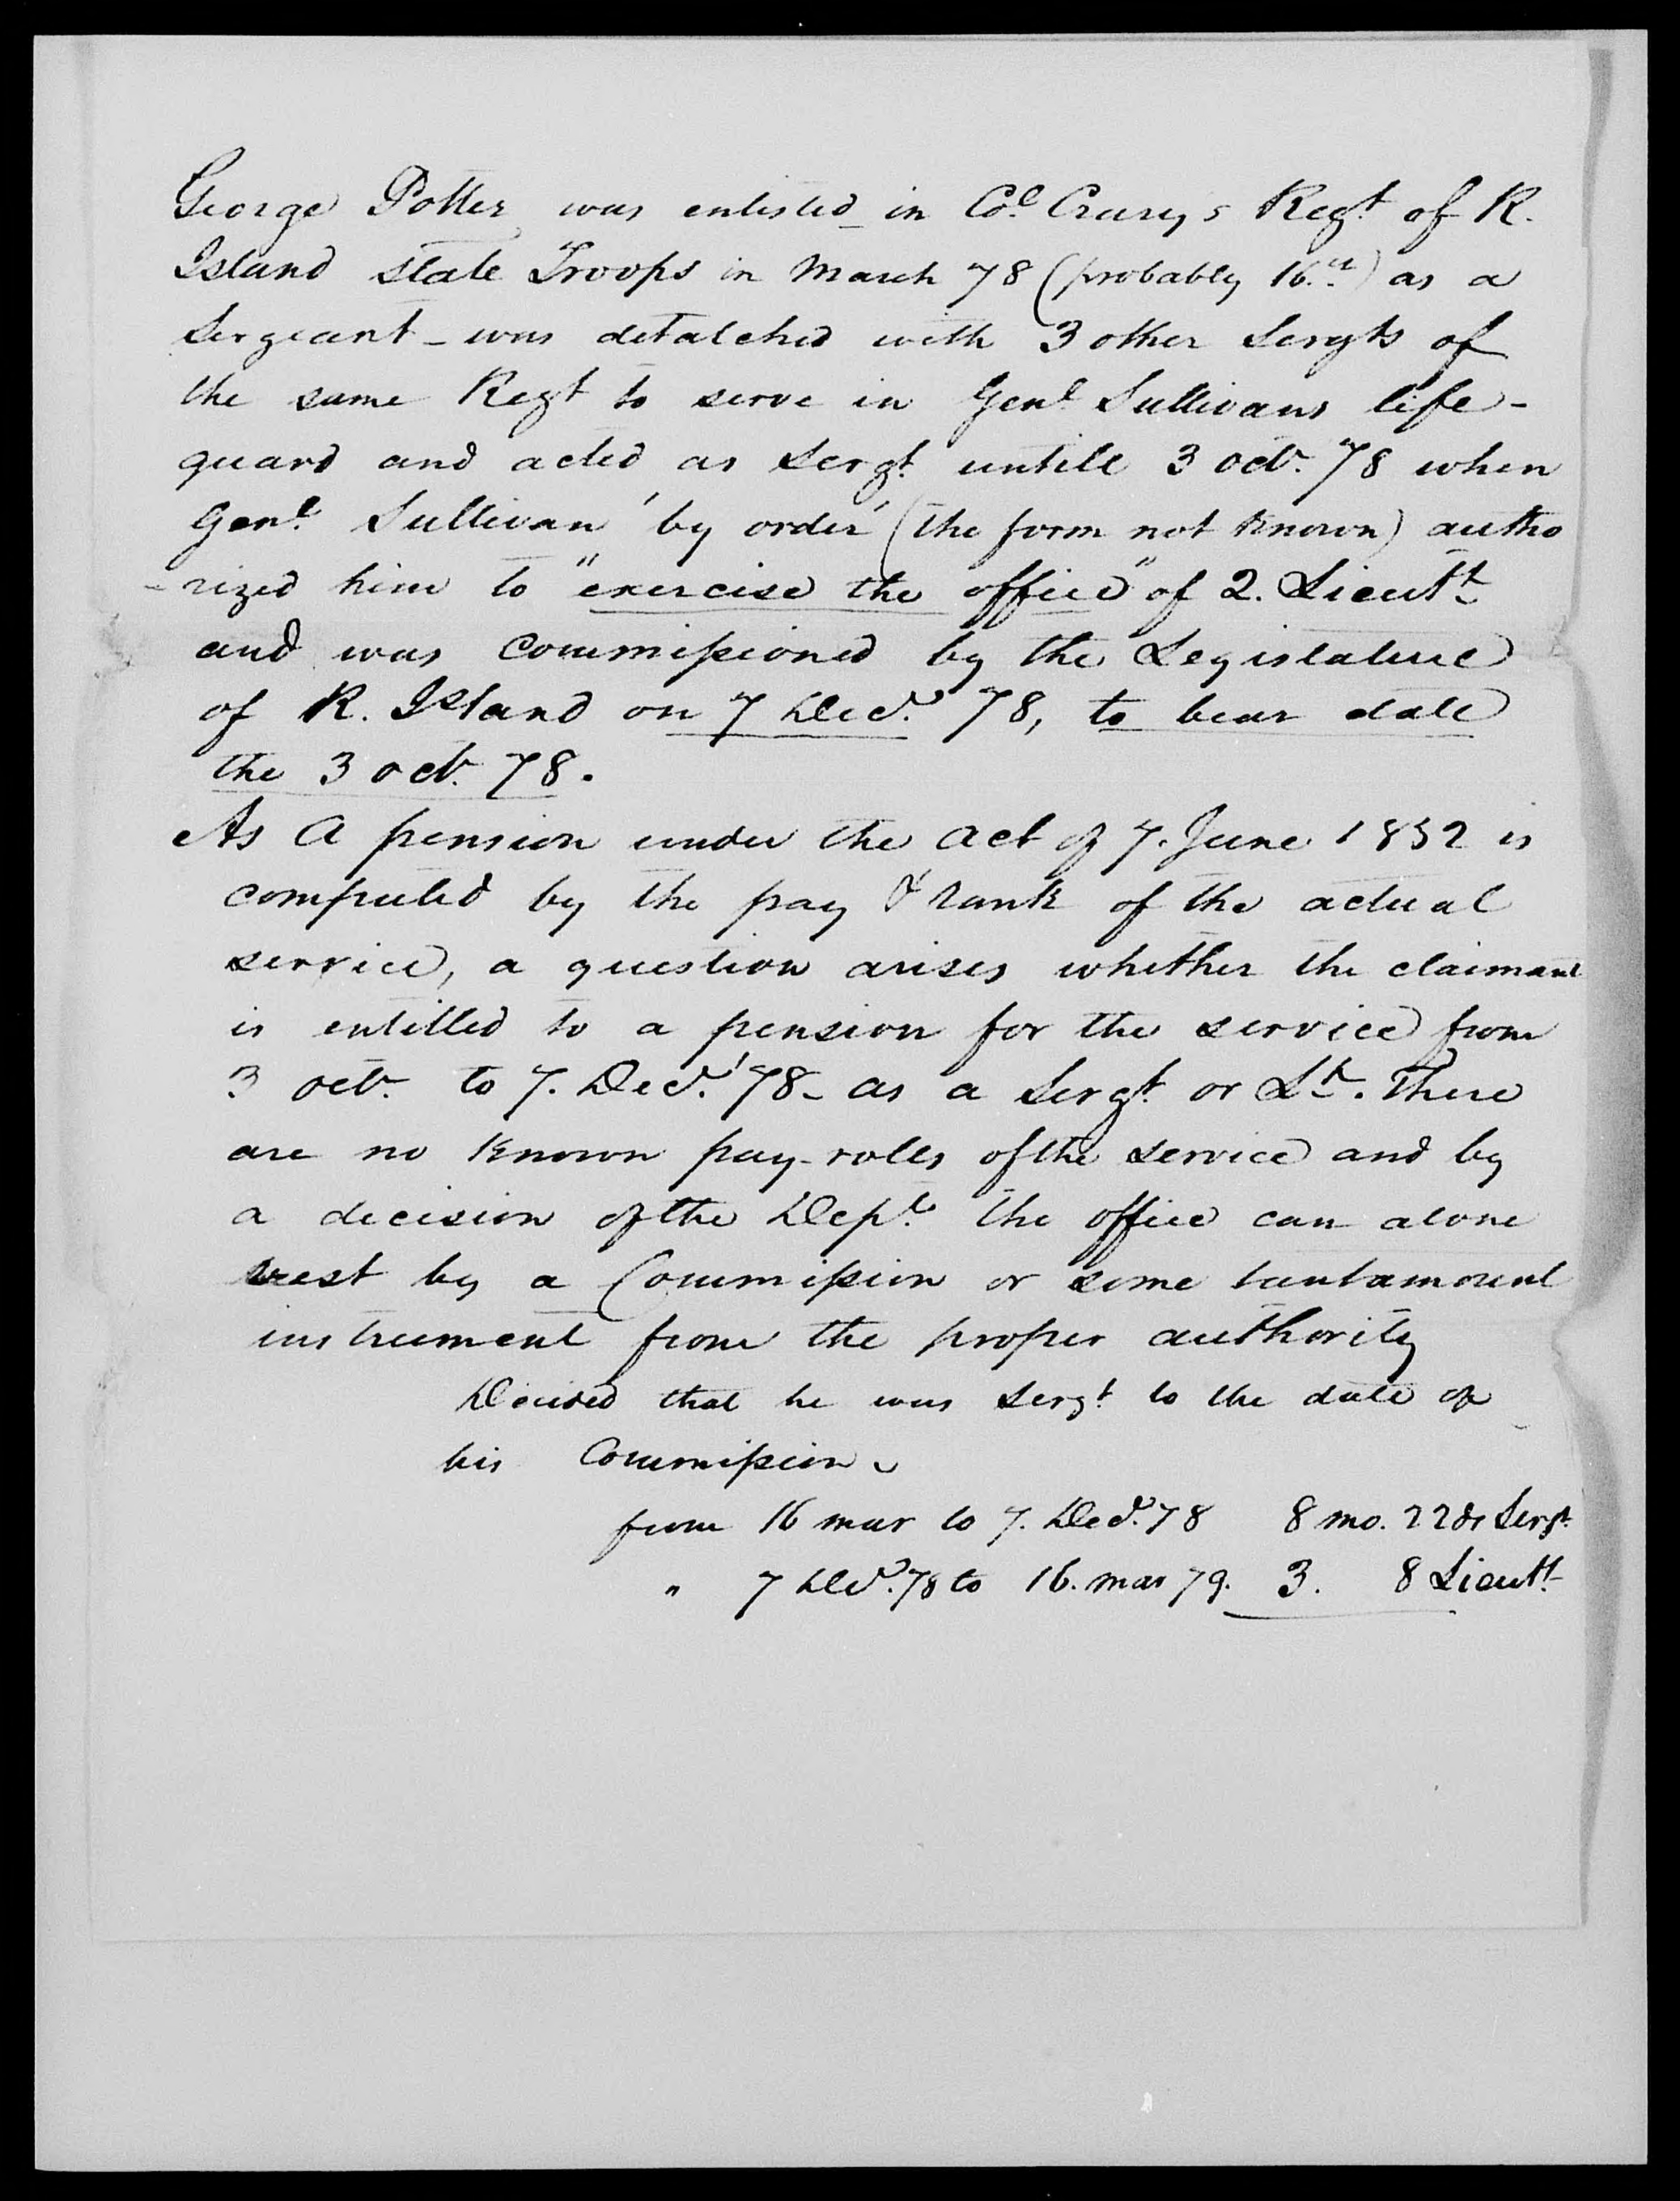George Potter was enlisted in Col Crarys Regt of R. Island State Troops in March 78 (probably 16th) as a Sergeant was detached with 3 other Sergt of the same Regt to serve in Genl Sullivans life guard and acted as Sergt untill 3 Oct 78 when Genl Sullivan by order (the form not known) authorized him to "exercise the
office" of 2. Lieut and was commissioned by the Legislature of R. Island on 7 Dec 78, to bear date the 3 Oct 78
As a pension under the act of 7 June 1852 is computed by the pay & rank of the actual
service, a question arises whether the claimant
is entitled to a pension for the service from
3 Oct to 7 Dec '78, as a Sergt of Lt. There
are no known payrolls of the service and by
a decision of the Dept the office can alone
rest by a Commission or some tantamount
instrument from the proper authority
Decided that he was Sergt to the date of
his Commission from 16 Mar to 7 Dec 78
8 mo. 22d Sergt
from 7 Dec 78 to 16 Mar 79 3 mo. 8d Lieut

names: George Potter; [BLANK] Sullivan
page: 27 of 40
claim: widow's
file: W. 16058, for George Potter, Rhode Island